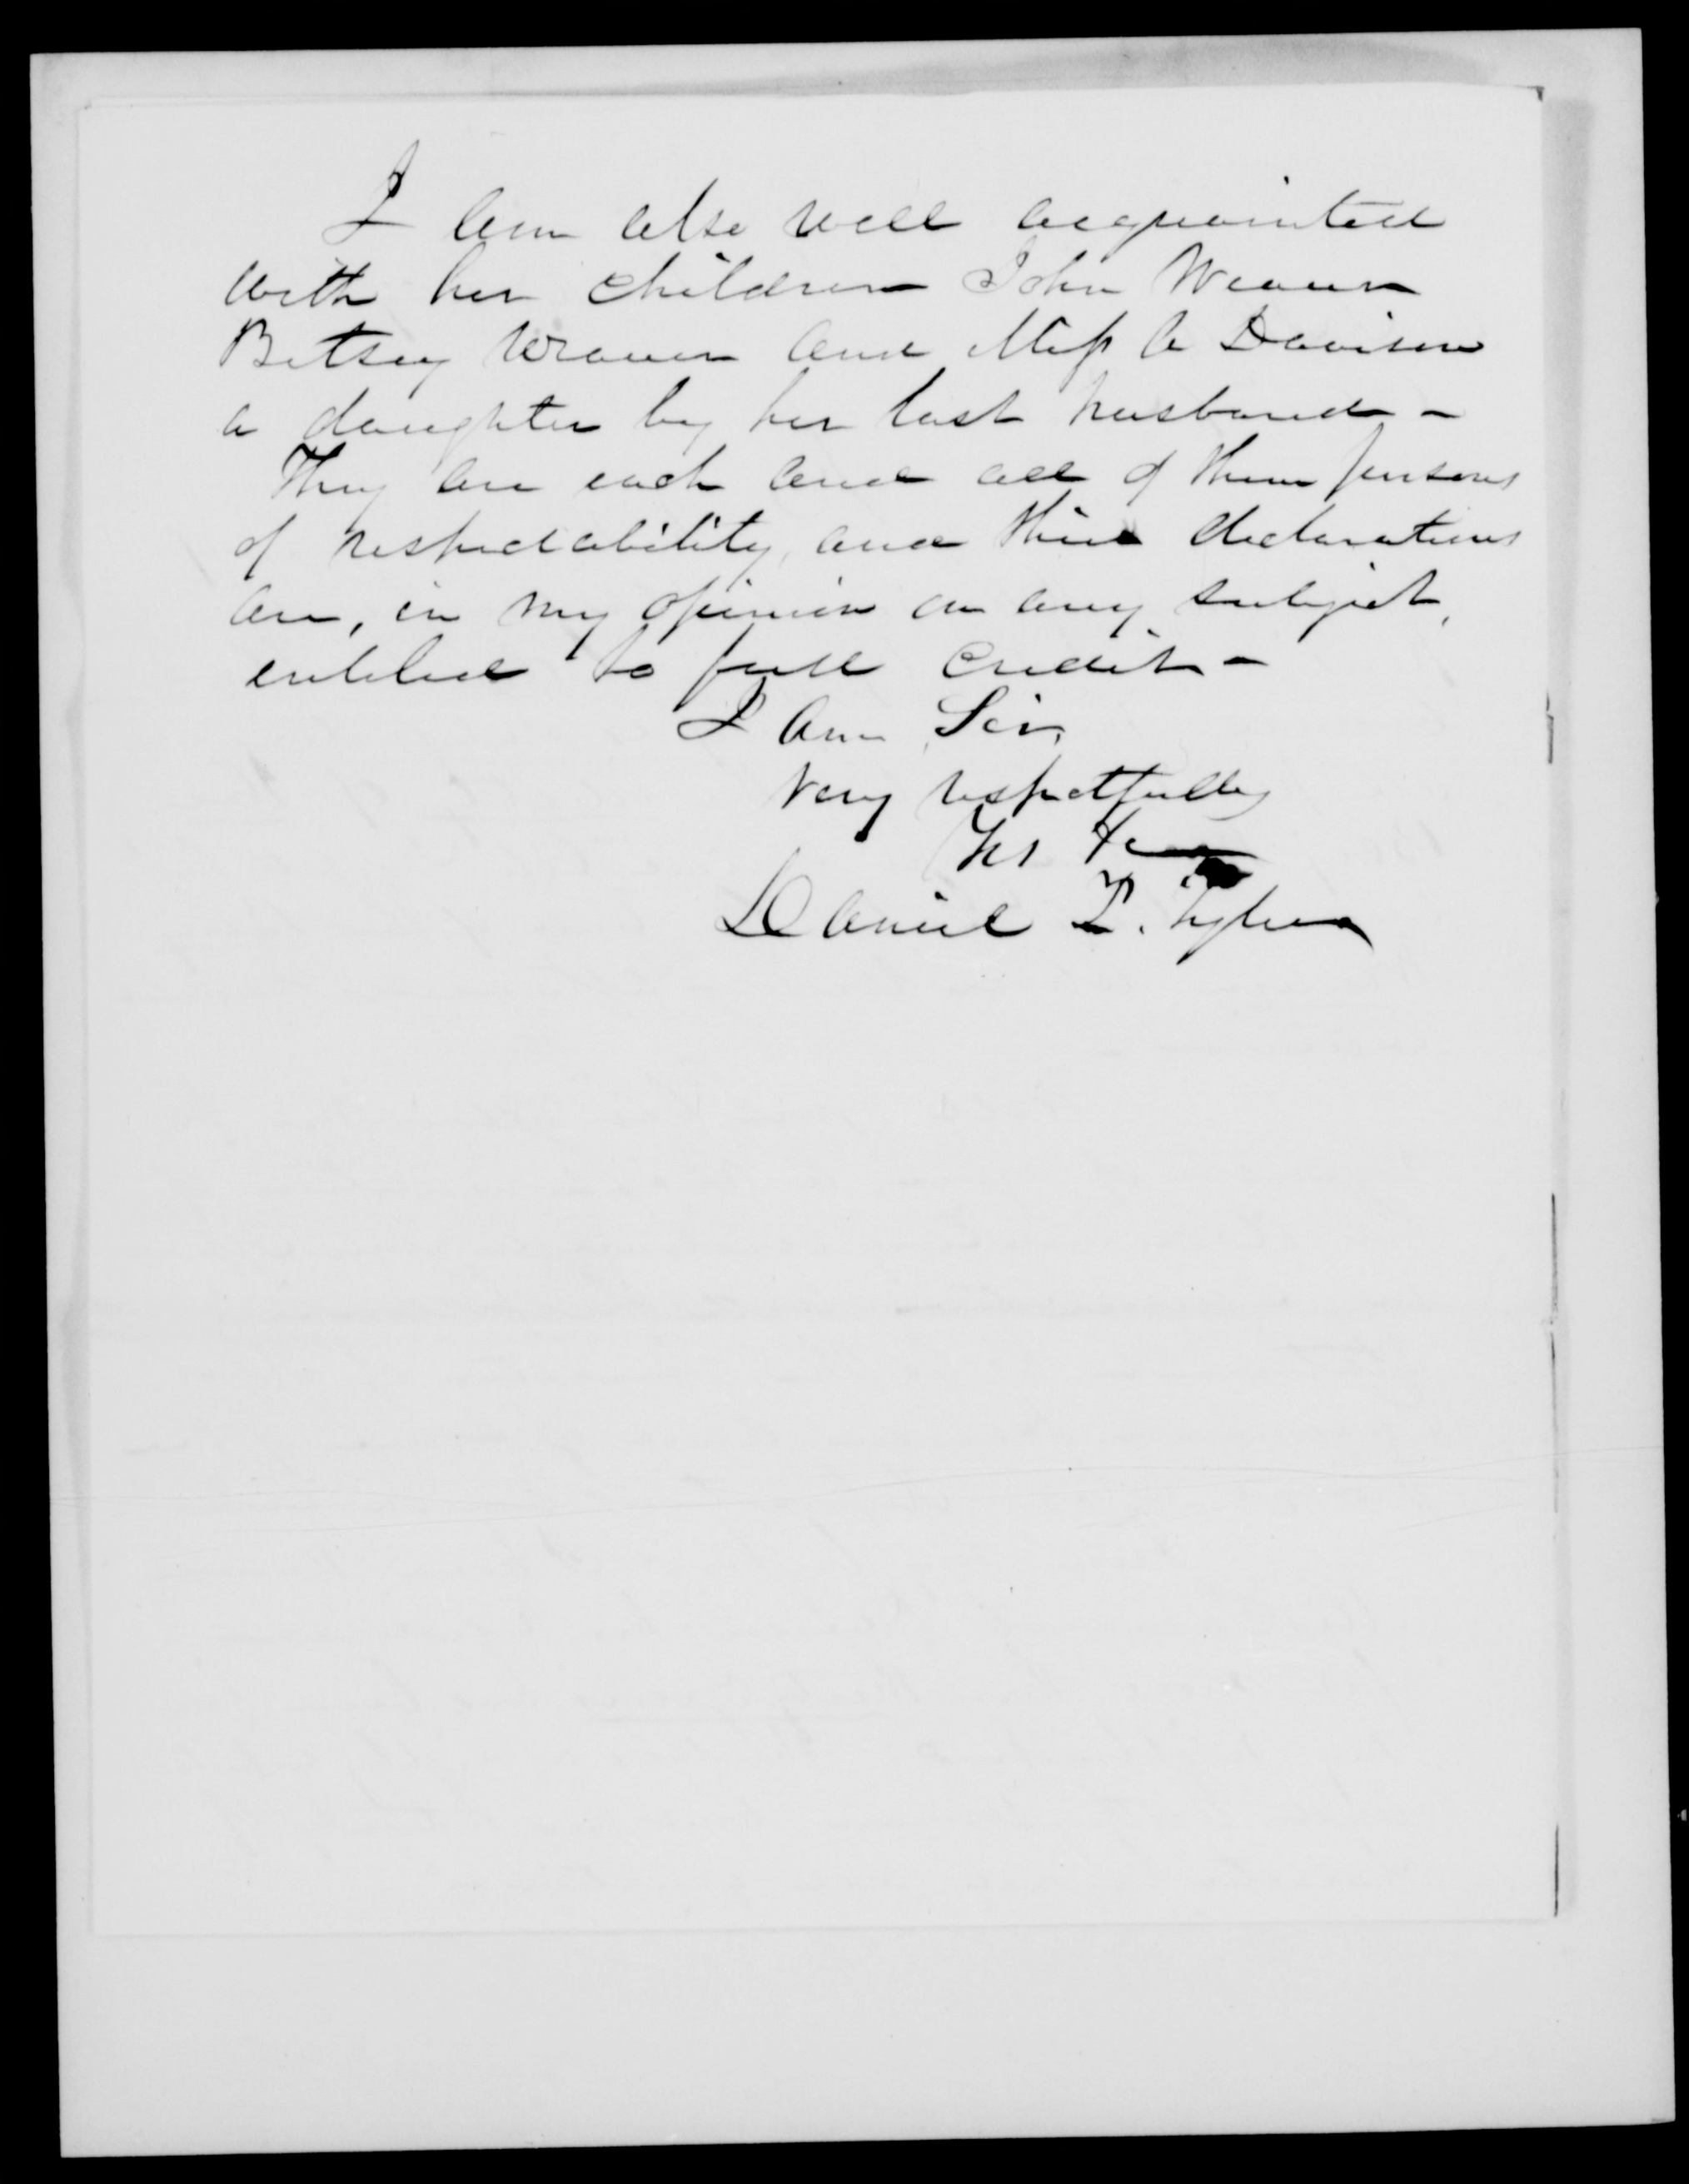I am also well acquainted with her children John Weaver Betsy Weaver and Miss A Davison a daughter by her last husband -
They are each and all of [illegible] of respectability and Nice Character and, in my opinion on any subject entitled to full credit
I am Sir
Very respectfully
The Hon
Daniel P .Tyler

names: Daniel P Tyler, Betsey Weaver, A Davison, John Weaver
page: 18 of 53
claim: widow's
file: W 17707, Benjamin Weaver, R.I.